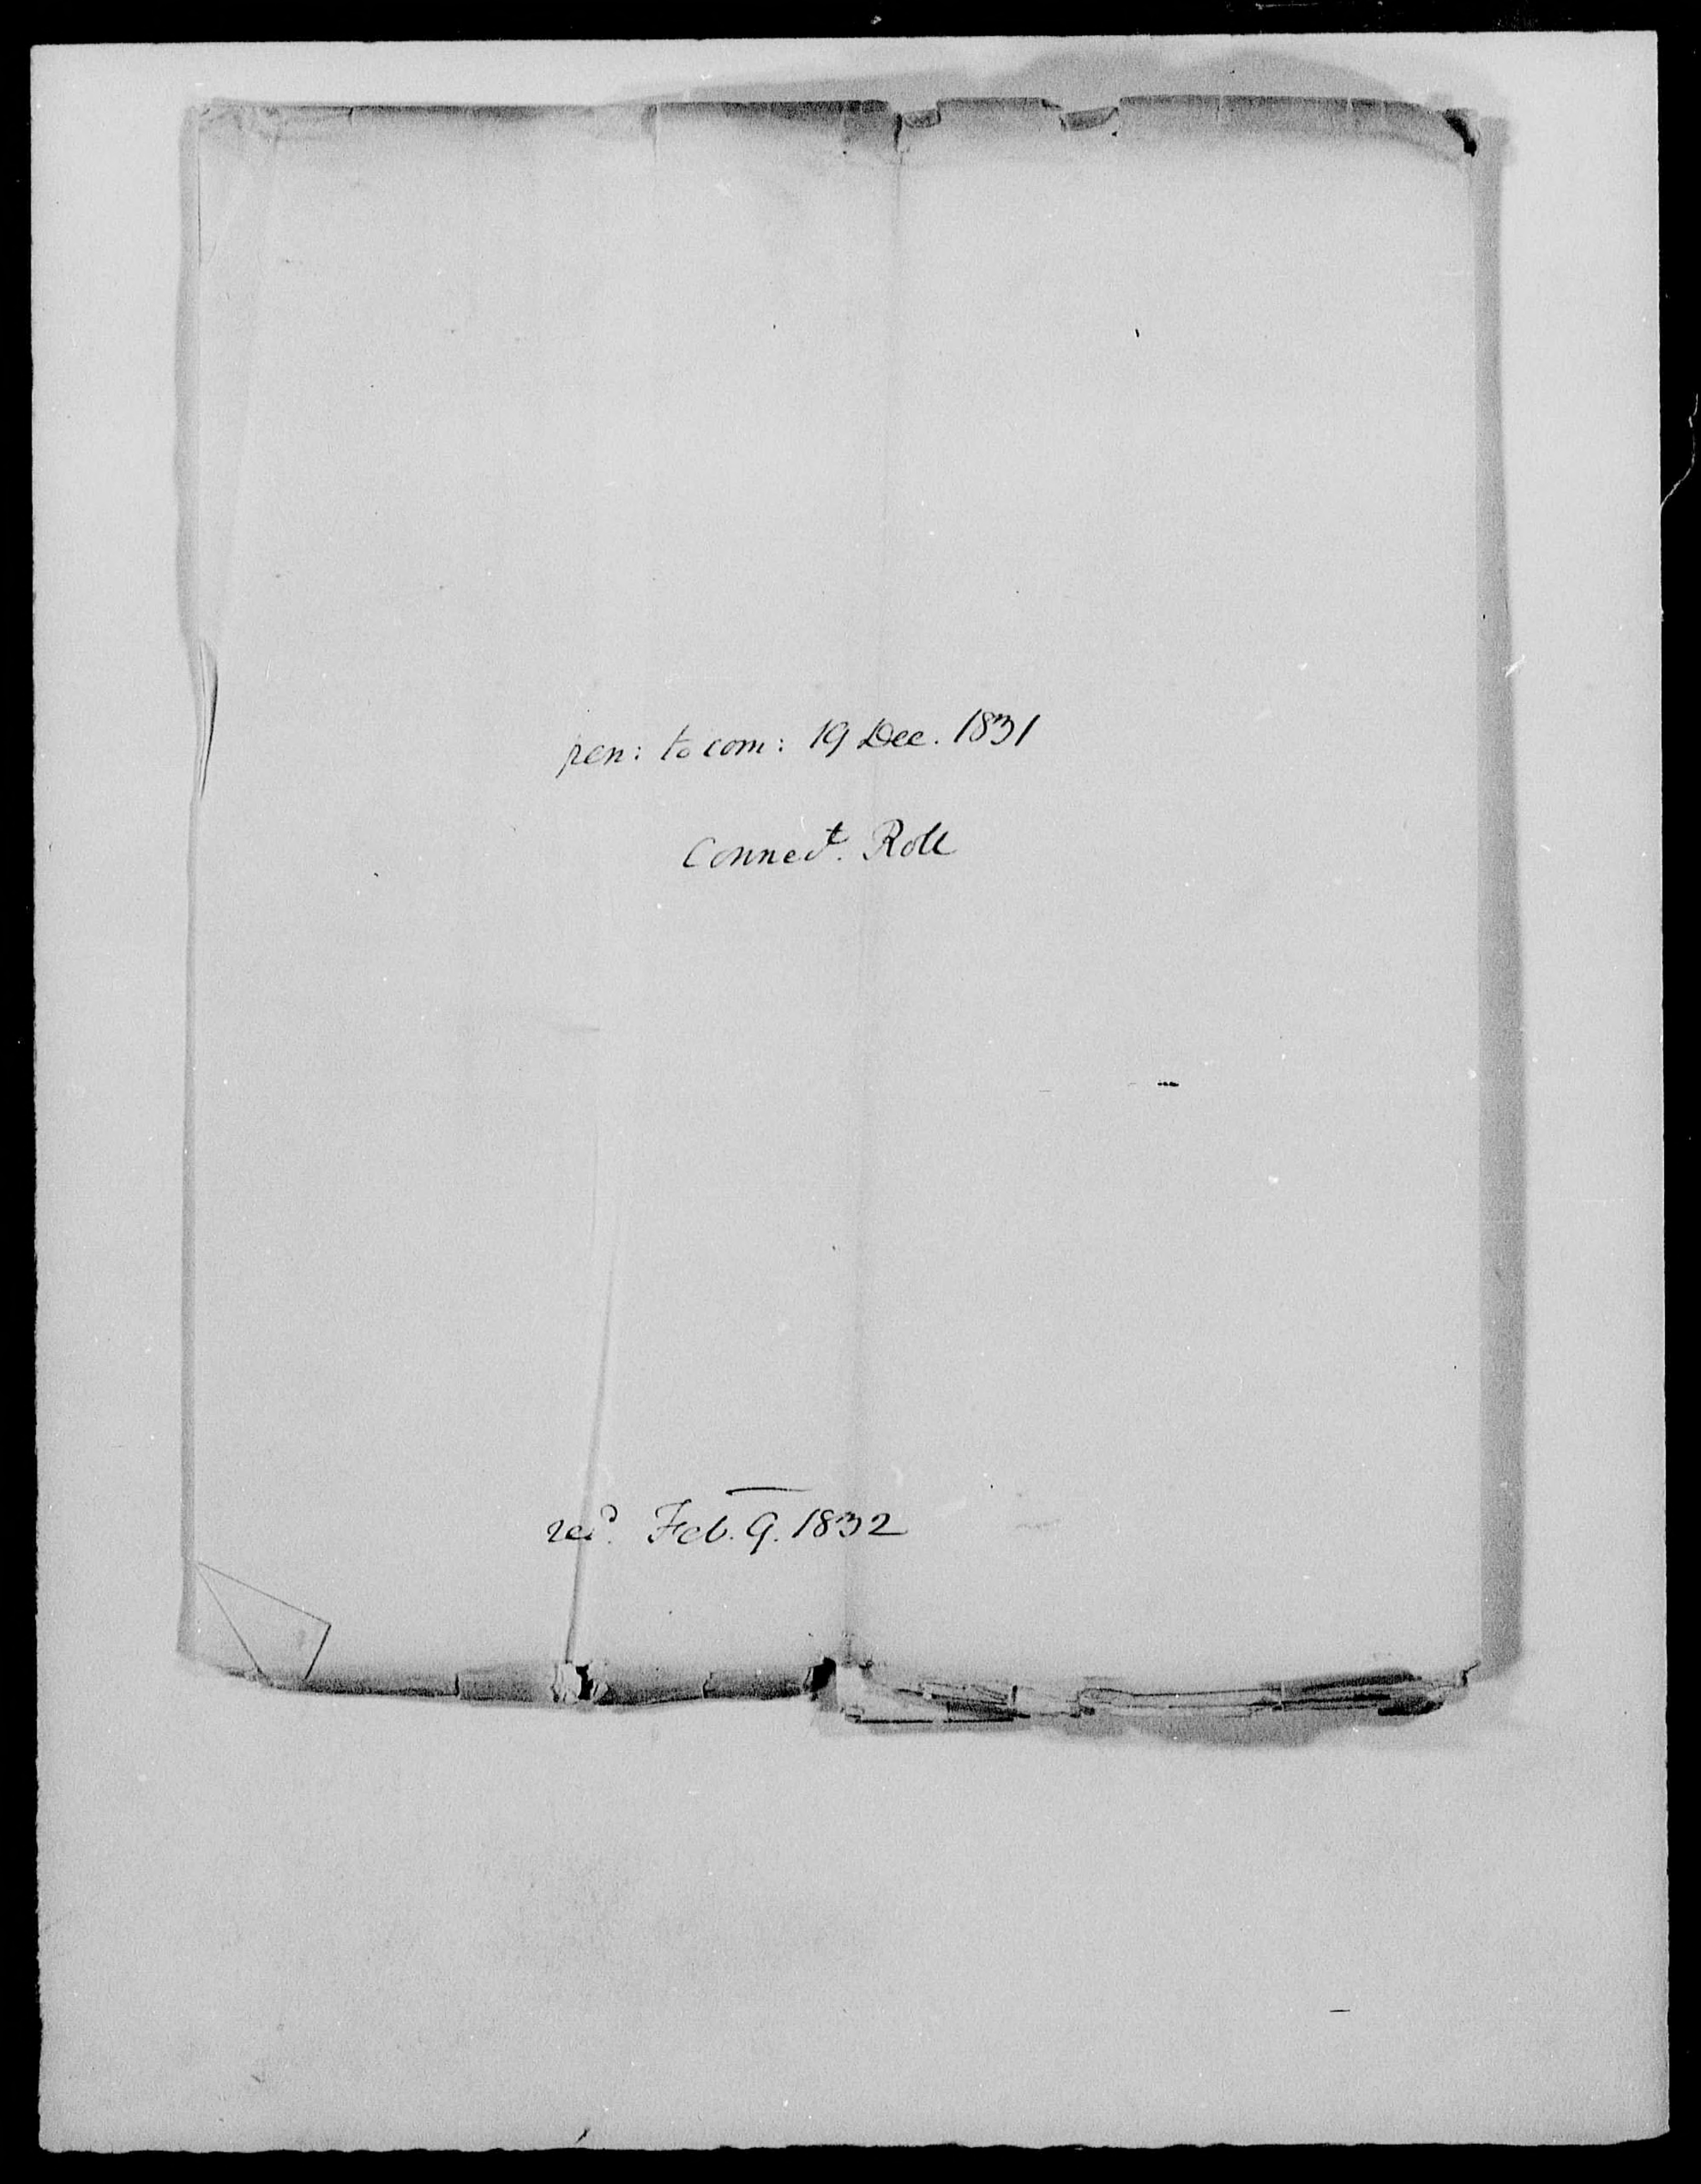en: to com: 19 Dec. 1831 
Connect Roll 

recd Feb. 9. 1832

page: 26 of 48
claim: survivor's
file: S. 17343, Lemuel Clarke, Mass.